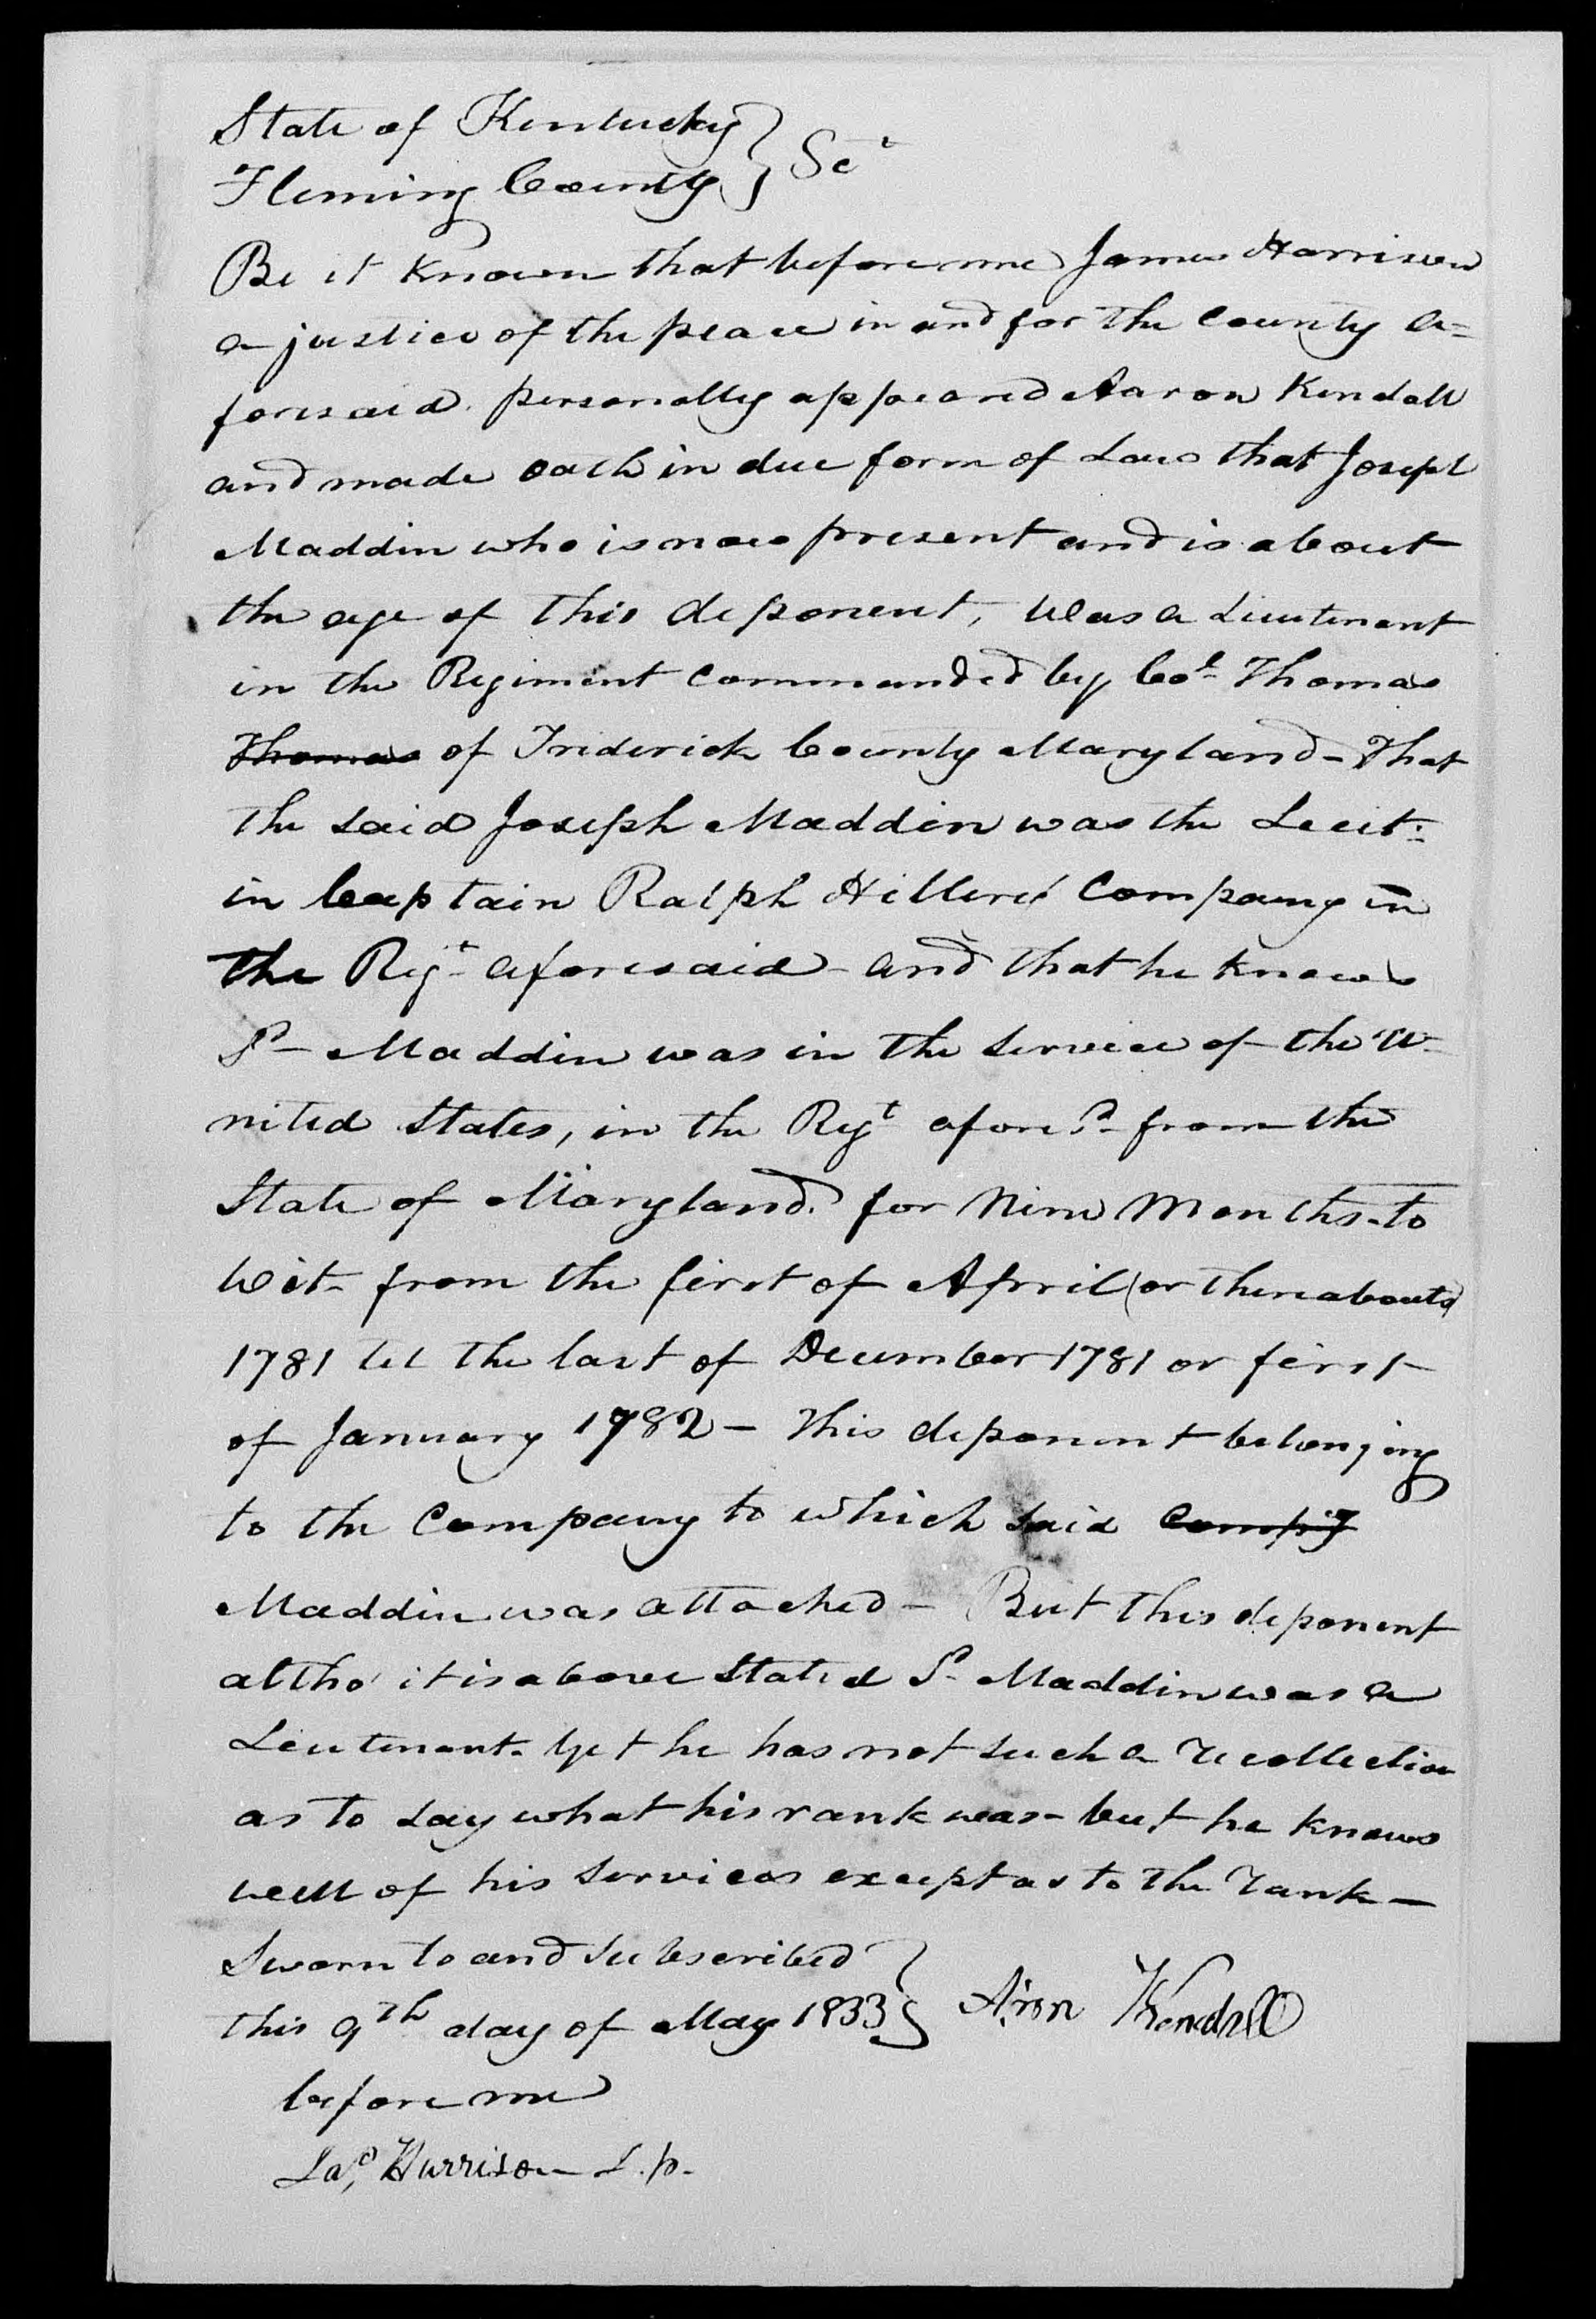State of Kentucky
Fleming County
Be it known that before me James Harrison a justice of the peace in and for the County aforesaid personally appeared Aaron Kendall and made oath in due form of Law that Joseph Maddin who is now present and is about the age of this deponent, was a Lieutenant in the Regiment Commanded by Col Thomas of Frederick County Maryland. That the said Joseph Maddin was the Lieut. in Captain Ralph Hillard Company in the Regiment aforesaid and that he knows J Maddin was in the service of the United States, in the Regiment aforesaid from the State of Maryland. For nine months to with from the period of April of thereabouts 1781 til the last of December 1781 or first of January 1782 - this deponent belonging to the Company to which said Maddin was attached - But this deponent altho it is above stated J Maddin was a Lieutenant. yet he has not such a recollection as to day what his rank was - but he knows well of his services except as to the rank --
Sworn to and subscribed
This 9th day of May 1883
Aaron Kendall
before me
Ja, Harrison J.P.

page: 12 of 14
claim: survivor's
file: S 31237, for Joseph Maddin, Maryland